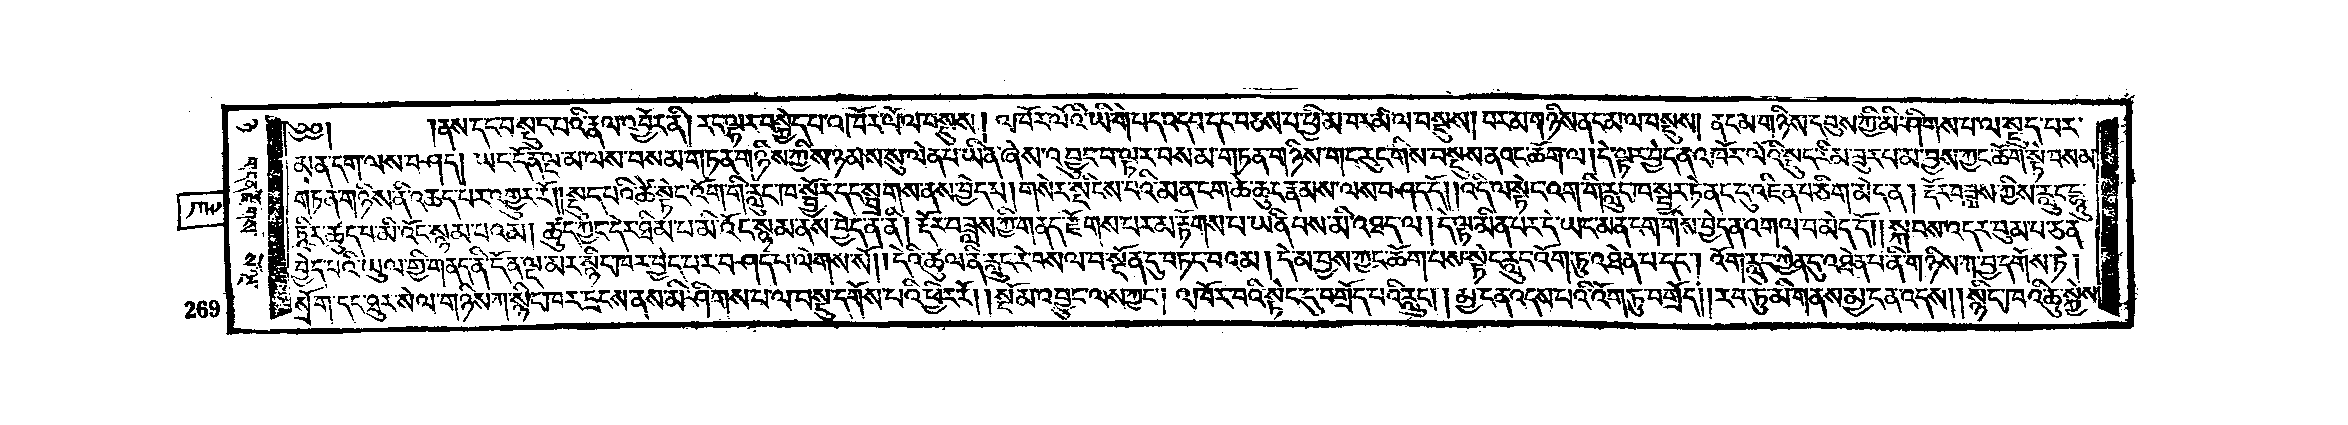༄༅། །ནས་དང་བསྡུད་པའི་རྣལ་འབྱོར་ནི། རང་ལྷར་བསྐྱེད་པ་འཁོར་ལོ་ལ་བསྡུས། འཁོར་ལོའི་ཡི་གེ་པད་འདབ་དང་བཅས་པ་ཕྱི་མ་བར་མ་ལ་བསྡུ། བར་མ་གཉིས་ནང་མ་ལ་བསྡུས། ནང་མ་གཉིས་དབུས་ཀྱི་མི་ཤིགས་པ་ལ་སྡུད་པར་
མན་དག་ལས་བཤད། ཡང་དོན་ལྔ་མ་ལས་བསམ་གཏན་གཉིས་ཀྱིས་ཉམས་སུ་ལེན་པ་ཡིན་ཞེས་འབྱུང་བ་ལྟར་བསམ་གཏན་གཉིས་གང་རུང་གིས་བསྡུས་ནའང་ཆོག་ལ། དེ་ལྟར་བྱེད་ན་འཁོར་ལོའི་སྡུད་རིམ་ཟུར་པ་མ་བྱས་ཀྱང་ཆོག་སྟེ་བསམ་
གཏན་གཉིས་ནི་འཆད་པར་འགྱུར་རོ། །སྡུད་པའི་ཚེ་སྟེང་འོག་གི་རླུང་ཁ་སྦྱོར་དང་སྦྲགས་ནས་བྱེད་པ། གསེར་སྡིངས་པའི་མན་ངག་ཆེ་ཆུང་རྣམས་ལས་བཤད་དོ། །འདི་ལ་སྟེང་འོག་གི་རླུང་ཁ་སྦྱར་ཏེ་ནང་དུ་འཛིན་པ་ཅིག་མེད་ན། རྡོར་བཟླས་ཀྱིས་རླུང་དྷཱུ་
ཏཱིར་ཚུད་པ་མི་འོང་སྙམ་པའམ། ཚུད་ཀྱང་དེར་ཐིམ་པ་མི་འོང་སྙམ་ནས་བྱེད་ན་ནི། རྡོར་བཟླས་ཀྱི་གནད་རྫོགས་པར་མ་རྟོགས་པ་ཡིན་པས་མི་འཐད་ལ། དེ་ལྟར་མིན་པར་དེ་ཡང་མན་ངག་གིས་བྱེད་ན་འགལ་བ་མེད་དོ། །སྐབས་འདིར་བུམ་པ་ཅན་
བྱེད་པའི་ཡུལ་གྱི་གནད་ནི་དོན་ལྔ་མར་སྙིང་ཁར་བྱེད་པར་བཤད་པ་ལེགས་སོ། །དེའི་ཚུལ་ནི་རླུང་རེ་བསལ་བ་སྔོན་དུ་བཏང་བའམ། དེ་མ་བྱས་ཀྱང་ཆོག་པས་སྟེང་རླུང་འོག་དུ་འཐོན་པ་དང་། འོག་རླུང་ཀྱེན་དུ་འཐོན་པ་ནི་གཉིས་ཀ་བྱས་དགོས་ཏེ།
སྲོག་དང་ཐུར་སེལ་གཉིས་ཀ་སྙིང་ཁར་དྲངས་ནས་མི་ཤིགས་པ་ལ་བསྡུ་དགོས་པའི་ཕྱིར་རོ། །སྡོམ་འབྱུང་ལས་ཀྱང་། འཁོར་བའི་སྟེང་དུ་བགྲོད་པའི་རླུང་། །མྱ་ངན་འདས་པའི་འོག་ཏུ་བགྲོད། །རབ་ཏུ་མི་གནས་མྱ་ངན་འདས། །སྙིང་ཁའི་ཆུ་སྐྱེས་